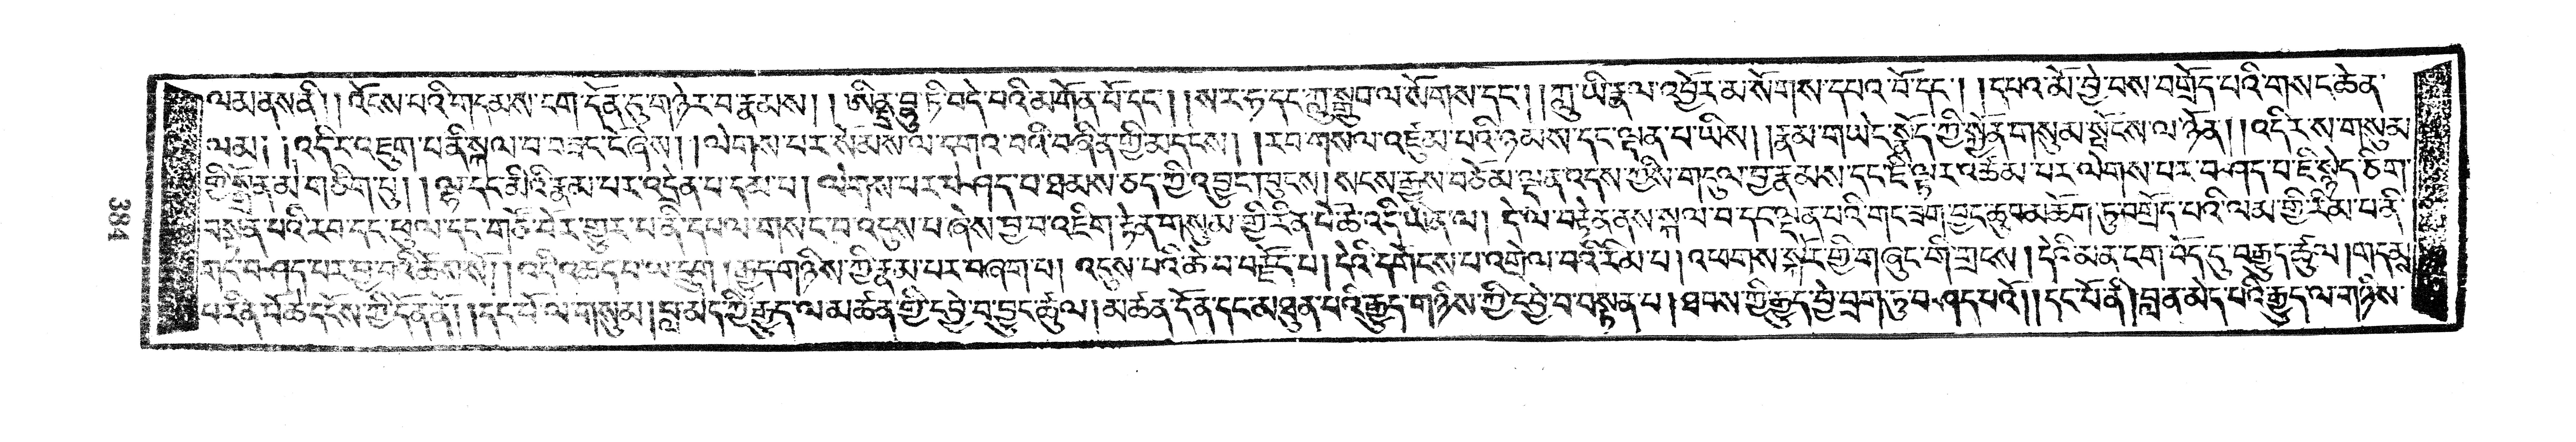ལམ་ནས་ནི། །འོངས་པའི་གདམས་ངག་དོན་དུ་གཉར་བ་རྣམས། །ཨིནྡྲ་བྷུ་ཏི་བདེ་བའི་མགོན་པོ་དང་། །ས་ར་ཧ་དང་ཀླུ་སྒྲུབ་ལ་སོགས་དང་། །ཀླུ་ཡི་རྣལ་འབྱོར་མ་སོགས་དཔའ་བོ་དང་། །དཔའ་མོ་བྱེ་བས་བགྲོད་པའི་གསང་ཆེན་
ལམ༑ ༑འདིར་འཇུག་པ་ནི་སྐལ་བ་བཟང་ངོ་ཞེས། །ལེགས་པར་སོམས་ལ་དགའ་བའི་བཞིན་གྱི་མདངས། །རབ་གསལ་འཛུམ་པའི་ཉམས་དང་ལྡན་པ་ཡིས། །རྣམ་གཡེང་སྣོད་ཀྱི་སྐྱོན་གསུམ་སྤོངས་ལ་ཉོན། །འདིར་ས་གསུམ་
གྱི་སྒྲོན་མ་གཅིག་པུ། །ལྷ་དང་མིའི་རྣམ་པར་འདྲེན་པར་དམ་པ། ལེགས་པར་བཤད་པ་ཐམས་ཅད་ཀྱི་འབྱུང་ཁུངས། སངས་རྒྱས་བཅོམ་ལྡན་འདས་ཀྱིས་གདུལ་བྱ་རྣམས་དང་ཇི་ལྟར་འཚམ་པར་ལེགས་པར་བཤད་པ་ཇི་སྙེད་ཅིག་
བསྟན་པའི་རབ་དང་ཕུལ་དང་གཙོ་བོར་གྱུར་པ་ནི་དཔལ་གསང་བ་འདུས་པ་ཞེས་བྱ་བ་འཇིག་རྟེན་གསུམ་གྱི་རིན་པོ་ཆེ་འདི་ཡིན་ལ། དེ་ལ་བརྟེན་ནས་སྐལ་བ་དང་ལྡན་པའི་གང་ཟག་བྱང་ཆུབ་མཆོག་ཏུ་བགྲོད་པའི་ལམ་གྱི་རིམ་པ་ནི་
གང་བཤད་པར་བྱ་བའི་ཆོས་སོ། །འདི་འཆད་པ་ལ་དྲུག །རྒྱུད་གཉིས་ཀྱི་རྣམ་པར་བཞག་པ། འདུས་པའི་ཆེ་བ་བརྗོད་པ། དེའི་དགོངས་པ་འགྲེལ་བའི་རིམ་པ། འཕགས་སྐོར་གྱི་གཞུང་གི་གྲངས། དེའི་མན་ངག་བོད་དུ་བརྒྱུད་ཚུལ། གདམས་
པ་རིན་པོ་ཆེ་དངོས་ཀྱི་དོན་ནོ། །དང་པོ་ལ་གསུམ། བླ་མེད་ཀྱི་རྒྱུད་ལ་མཚན་གྱི་དབྱེ་བ་བྱུང་ཚུལ། མཚན་དོན་དང་མཐུན་པའི་རྒྱུད་གཉིས་ཀྱི་དབྱེ་བ་བསྟན་པ། ཐབས་ཀྱི་རྒྱུད་བྱེ་བྲག་ཏུ་བཤད་པའོ། །དང་པོ་ནི། བླ་ན་མེད་པའི་རྒྱུད་ལ་གཉིས་